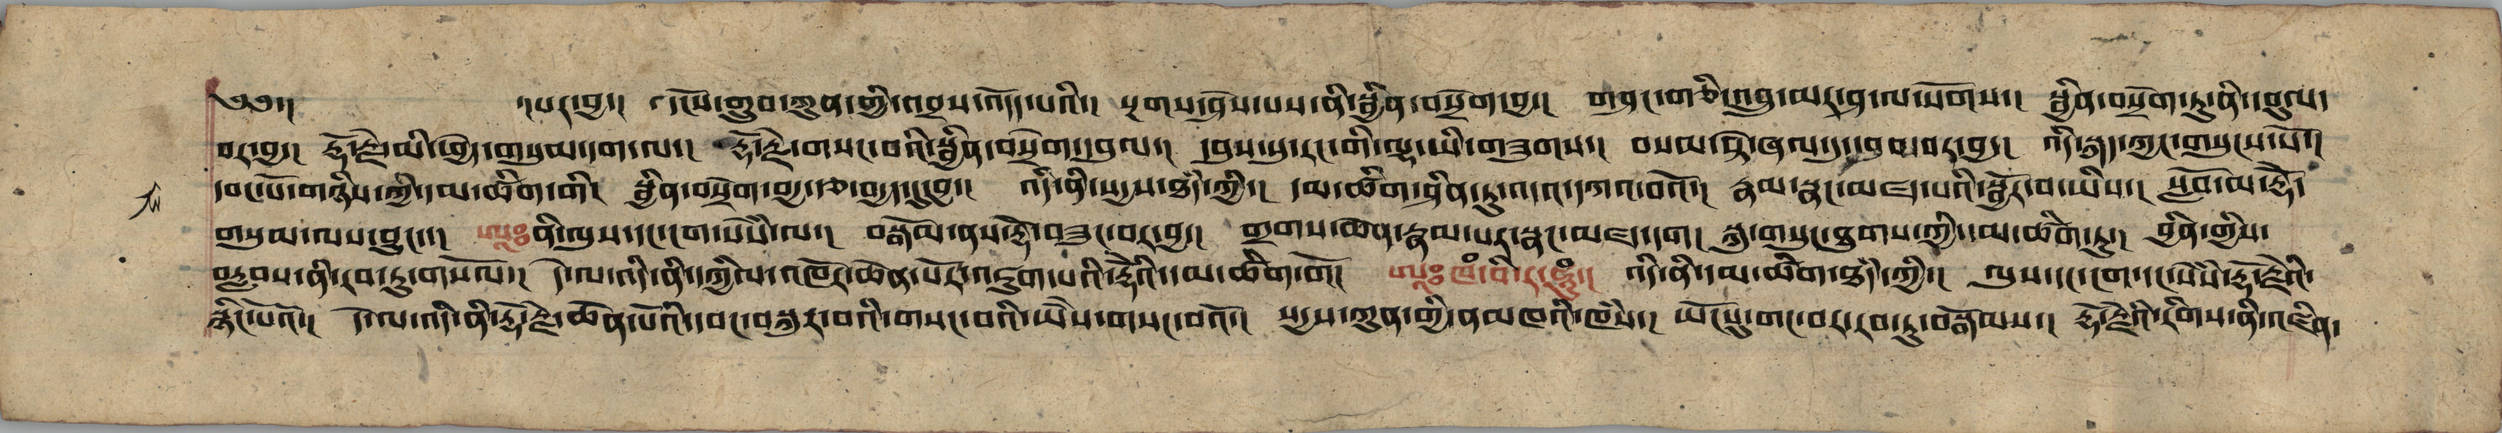༄༅་། ་།པར་བྱ་། དངོས་གྲུབ་ཀུན་གྱི་འབྲས་འདོད་པའི་། སྔགས་ཤེས་པས་ནི་སྦྱིན་བསྲེག་བྱ་། གཤང་གཅི་འབྲུ་མར་ཤ་ལ་སོགས་། སྦྱིན་བསྲེག་ཏུ་ནི་དབུལ་
བར་བྱ་། རྡོ་རྗེ་མི་ཕྱེད་གསུམ་དག་ལ་། རྡོ་རྗེ་གསང་བའི་སྦྱིན་བསྲེག་དབུལ་། དབུས་སུ་རང་གི་ལྷ་ཡི་གཟུགས་། བསམ་སྟེ་ཞལ་དུ་དབབ་པར་བྱ་། འདི་སྐད་ཀྱང་གསུངས་སོ་།
དབང་པོ་གཉིས་ཀྱི་དམ་ཚིག་གི། སྦྱིན་བསྲེག་བདྱ་རྩ་བདྱད་དུ་བྱ་། འདི་ནི་སདྱས་ཐདཾ་ཀྱི་། དམ་ཚིག་ཤིན་ཏུ་འདའ་དཀའ་བའོ་། རྣམ་སྣང་མཛད་པའི་སྦྱོར་བ་ཡིས་། སློབ་མ་རྡོེ་
གསུམ་ལས་བྱུང་་། ཨཱཿནི་ལུས་དང་ངག་སེཾས་ལ་། བསྒོམ་ནས་རྡོེ་བཟུང་བར་བྱ་། གྲགས་ཆེན་རྣམ་པར་སྣང་མཛད་དག། སྐུ་གསུང་ཐུགས་ཀྱི་དམ་ཚིག་ཏུ་། བྱིན་གྱིས་
བརླབས་ནི་རབ་ཏུ་གསོལ་། དེ་ལ་འདི་ནི་དཀྱིལ་འཁོར་ཆེན་པོར་འཇུག་པའི་རྡོེའི་དམ་ཚིག་གོ། ཨཱཿཁཾ་བི་ར་ཧཱུཾ་། འདི་ནི་དམ་ཚིག་ཐདཾ་ཀྱི་། ལུས་དང་ངག་དང་སེཾས་རྡོ་རྗེའི་
སྙིང་པོའོ་། དེ་ལ་འདི་ནི་རྡོ་རྗེ་ཆེན་པོའི་དབང་བསྐུར་བའི་གསང་བའི་ཡཻས་གསང་བའོ་། སདྱས་ཀུན་གྱི་ནམཁའི་ཁཾས་། ཡོངསུ་གང་བར་རབ་ཏུ་བསྒོམས་། རྡོ་རྗེའི་རིགས་ནི་འཛིན་